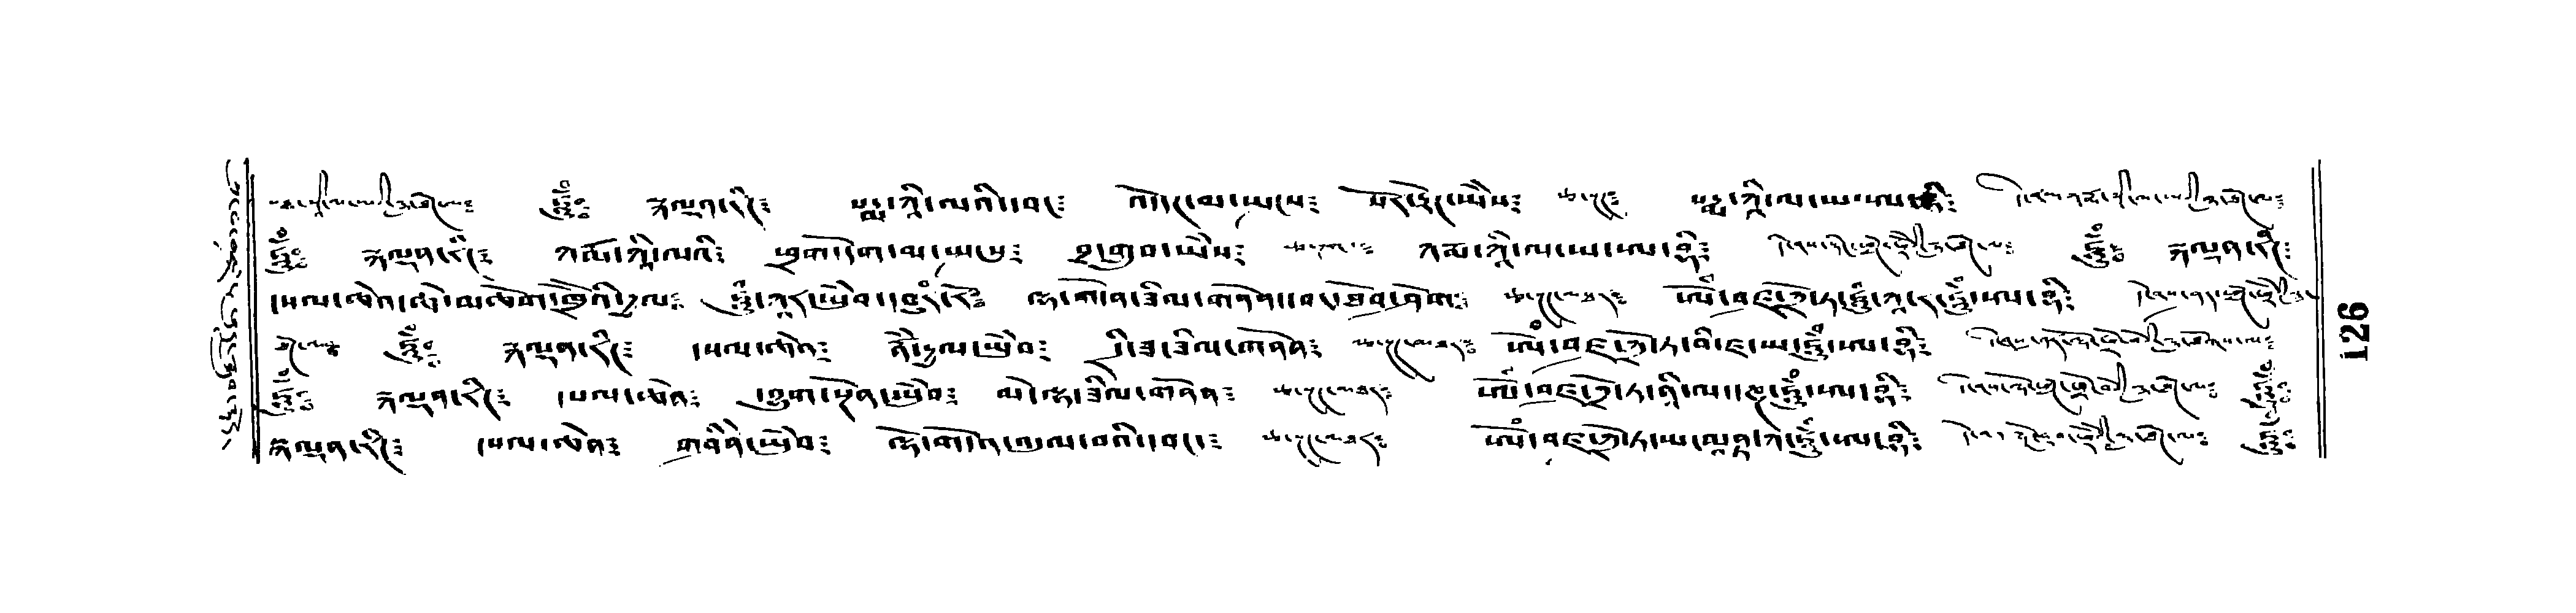པདྨ་ཀཱི་ལ་ཡའི་སྐུ་ཐོགས་ལ༔ ཧཱུྃ༔ སྐལ་ལྡན་རིགས་ཀྱི༴ པདྨ་ཀཱི་ལའི༴ འདོད་ཆགས་མ་སྤངས༴ སོར་རྟོགས་ཡེ་ཤེས༴ རྩ་སྔགས༔ པདྨ་ཀཱི་ལ་ཡ་ཨ་བྷི་སོགས༔ དེ་ནས་ཀརྨ་ཀཱི་ལ་ཡའི་སྐུ་ཐོགས་ལ༔ 
ཧཱུྃ༔ སྐལ་ལྡན་རིགས་ཀྱི༴ ཀརྨ་ཀིའ་ལའི༴ ཕྲག་དོག་མ་སྤངས༴ བྱ་གྲུབ་ཡེ་ཤེས༴ རྩ་སྔགས༔ ཀརྨ་ཀཱི་ལ་ཡ་ཨ་བྷི་སོགས༔ དེ་ནས་སྟེང་ཕྱོགས་ཁྲོ་བོའི་སྐུ་ཐོགས་ལ༔ ཧཱུྃ༔ སྐལ་ལྡན་རིགས་
དཔལ་ཆེན་ཆེ་མཆོག་ཁྲོ་བོའི་རྒྱལ༔ ཧཱུྃ་ཀཱར་ཡབ་ཡུམ་དབང་བསྐུར་རོ༔ ལྷ་གདོན་ཟིལ་གནོན་དབང་ཐོབ་ཤོག༔ རྩ་སྔགས་མཐར༔ ཨོཾ་བཛྲ་ཀྲོ་ཏ་ཧཱུྃ་ཀཱ་ར་ཧཱུྃ་ཨ་བྷི་སོགས༔ དེ་ནས་ཤར་ཕྱོགས་ཁྲོ་བོའི་སྐུ་
ཐོགས་ལ༔ ཧཱུྃ༔ སྐལ་ལྡན་རིགས༴ དཔལ་ཆེན༴ རྣམ་རྒྱལ་ཡབ་ཡུམ༴ དྲི་ཟ་ཟིལ་གནོན༴ རྩ་སྔགས་མཐར༔ ཨོཾ་བཛྲ་ཀྲོ་ཏ་བི་ཛ་ཡ་ཧཱུྃ་ཨ་བྷི་སོགས༔ དེ་ནས་ཤར་ལྷོ་ཁྲོ་བོའི་སྐུ་ཐོགས་ལ༔ 
ཧཱུྃ༔ སྐལ་ལྡན་རིགས༴ དཔལ་ཆེན༴དབྱུུག་སྔོན་ཡབ་ཡུམ༴ མེ་ལྷ་ཟིལ་གནོན༴ རྩ་སྔགས་མཐར༔ ཨོཾ་བཛྲ་ཀྲོ་ཏ་ནཱི་ལ་དཎྜ་ཧཱུྃ་ཨ་བྷི་སོགས༔ དེ་ནས་ལྷོ་ཕྱོགས་ཁྲོ་བོའི་སྐུ་ཐོགས་ལ༔ ཧཱུྃ༔ 
སྐལ་ལྡན་རིགས༴ དཔལ་ཆེན༴ གཤིན་རྗེ་ཡབ་ཡུམ༴ ལྷོ་གདོན་འདུལ་བའི་དབང་༴ རྩ་སྔགས་མཐར༔ ཨོཾ་བཛྲ་ཀྲོ་ཏ་ཡ་མཱནྟ་ཀ་ཧཱུྃ་ཨ་བྷི་སོགས༔ དེ་ནས་ལྷོ་ནུབ་ཁྲོ་བོའི་སྐུ་ཐོགས་ལ༔ ཧཱུྃ༔